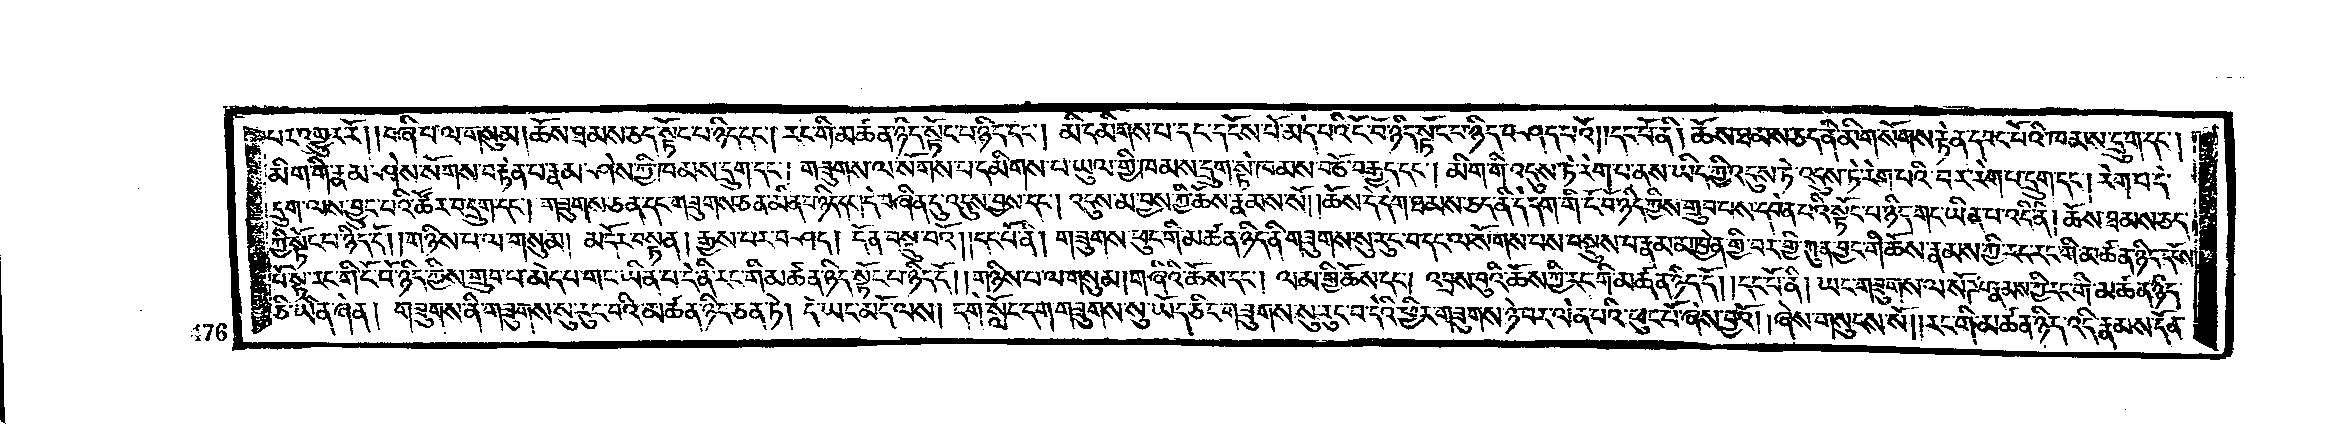པར་འགྱུར་རོ། །བཞི་པ་ལ་གསུམ། ཆོས་ཐམས་ཅད་སྟོང་པ་ཉིད་དང་། རང་གི་མཚན་ཉིད་སྟོང་པ་ཉིད་དང་། མི་དམིགས་པ་དང་དངོས་པོ་མེད་པའི་ངོ་བོ་ཉིད་སྟོང་པ་ཉིད་བཤད་པའོ། །དང་པོ་ནི། ཆོས་ཐམས་ཅད་ནི་མིག་སོགས་རྟེན་དབང་པོའི་ཁམས་དྲུག་དང་།
མིག་གི་རྣམ་ཤེས་སོགས་བརྟེན་པ་རྣམ་ཤེས་ཀྱི་ཁམས་དྲུག་དང་། གཟུགས་ལ་སོགས་པ་དམིགས་པ་ཡུལ་གྱི་ཁམས་དྲུག་སྟེ་ཁམས་བཅོ་བརྒྱད་དང་། མིག་གི་འདུས་ཏེ་རེག་པ་ནས་ཡིད་ཀྱི་འདུས་ཏེ་འདུས་ཏེ་རེག་པའི་བར་རེག་པ་དྲུག་དང་། རེག་པ་དེ་
དྲུག་ལས་བྱུང་པའི་ཚེར་བ་དྲུག་དང་། གཟུགས་ཅན་དང་གཟུགས་ཅན་མིན་པ་ཉིད་དང་། དེ་བཞིན་དུ་འདུས་བྱས་དང་། འདུས་མ་བྱས་ཀྱི་ཆོས་རྣམས་སོ། །ཆོས་དེ་དག་ཐམས་ཅད་ནི་དེ་དག་གི་ངོ་བོ་ཉིད་ཀྱིས་གྲུབ་པས་དབེན་པའི་སྟོང་པ་ཉིད་གང་ཡིན་པ་འདི་ནི། ཆོས་ཐམས་ཅད་
ཀྱི་སྟོང་པ་ཉིད་དོ། །གཉིས་པ་ལ་གསུམ། མདོར་བསྟན། རྒྱས་པར་བཤད། དོན་བསྡུ་བའོ། །དང་པོ་ནི། གཟུགས་ཕུང་གི་མཚན་ཉིད་ནི་གཟུགས་སུ་རུང་བ་དང་ལ་སོགས་པས་བསྡུས་པ་རྣམ་མཁྱེན་གྱི་བར་གྱི་ཀུན་བྱང་གི་ཆོས་རྣམས་ཀྱི་རང་རང་གི་མཚན་ཉིད་དངོས་
པོ་སྟེ་རང་གི་ངོ་བོ་ཉིད་ཀྱིས་གྲུབ་པ་མེད་པ་གང་ཡིན་པ་དེ་ནི་རང་གི་མཚན་ཉིད་སྟོང་པ་ཉིད་དོ། །གཉིས་པ་ལ་གསུམ། གཞིའི་ཆོས་དང་། ལམ་གྱི་ཆོས་དང་། འབྲས་བུའི་ཆོས་ཀྱི་རང་གི་མཚན་ཉིད་དོ། །དང་པོ་ནི། ཡང་གཟུགས་ལ་སོགས་པ་རྣམས་ཀྱི་རང་གི་མཚན་ཉིད་
ཅི་ཡིན་ཞེན། གཟུགས་ནི་གཟུགས་སུ་རུང་བའི་མཚན་ཉིད་ཅན་ཏེ། དེ་ཡང་མདོ་ལས། དགེ་སློང་དག་གཟུགས་སུ་ཡོད་ཅིང་གཟུགས་སུ་རུང་བ་དེའི་ཕྱིར་གཟུགས་ཉེ་བར་ལེན་པའི་ཕུང་པོ་ཞེས་བྱའོ། །ཞེས་གསུངས་སོ། །རང་གི་མཚན་ཉིད་འདི་རྣམས་དོན་